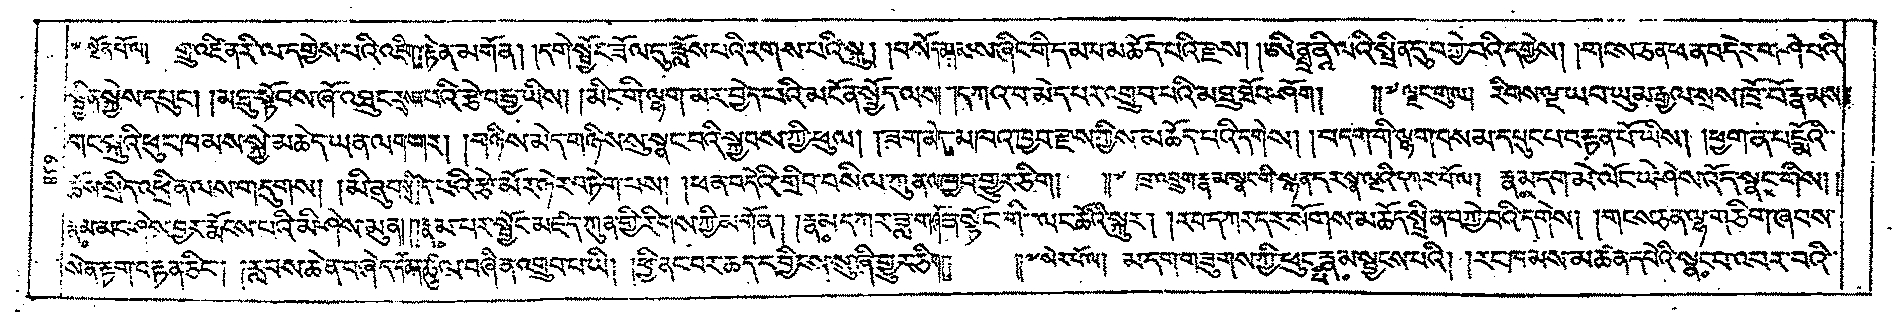༧སྔོན་པོ་ལ།  གྲུབ་འཛིན་རི་ལ་དགྱེས་པའི་འཇིག་རྟེན་མགོན། །དགེ་སྦྱོང་ཟོལ་དུ་ཟློས་པའི་རགས་པའི་སྐུ། །བསོད་ནམས་ཞིང་གི་དམ་པ་མཆོད་པའི་རྫས། །ཨིནྡྲ་ནཱི་ལའི་སྤྲིན་དུ་བཀྱེ་བའི་དགྱེས། །གངས་ཅན་ཕན་བདེར་གཤེ་བའི་
སྦྱིན་སྐྱེས་དཔུང་། །མཐུ་སྟོབས་ཞོ་འཐུང་རུས་པའི་རྩེ་བརྒྱ་ཡིས། །མིང་གི་ལྷག་མར་བྱེད་པའི་མངོན་སྤྱོད་ལས། །དཀའ་བ་མེད་པར་འགྲུབ་པའི་མཐུ་ཐོབ་ཤོག ། །།༧ལྗང་གུ་ལ།  རིགས་ལྔ་ཡབ་ཡུམ་རྒྱལ་སྲས་ཁྲོ་བོ་རྣམས།།
གང་སྐུའི་ཕུང་ཁམས་སྐྱེ་མཆེད་ཡན་ལག་གར། །གཉིས་མེད་གཉིས་སུ་སྣང་བའི་སྐྱབས་ཀྱི་ཕུལ། །ཟག་མེད་མཁའ་ཁྱབ་རྫས་ཀྱིས་མཆོད་པའི་དགེས། །བདག་གི་ལྷག་བསམ་དཔུང་པ་བརྟན་པོ་ཡིས། །ཕྱག་ན་པདམོའི་
ཆོས་སྲིད་འཕྲིན་ལས་གདུགས། །མི་ནུབ་སྲིད་པའི་རྩེ་མོར་ཉེར་བཏེག་པས། །ཕན་བདེའི་གྲིབ་བསིལ་ཀུན་ལ་ཁྱབ་གྱུར་ཅིག ། །།༧ཁྲ་འབྲུག་རྣམ་སྣང་གི་སྙན་དར་སྣ་ལྔའི་དཀར་པོ་ལ།  རྣམ྾་྾་དག་མེ་ལོང་ཡེ་ཤེས་འོད་སྣང་྾་གིས། །
རྣམ྾་མང་ཤེས་བྱར་རྨོངས་པའི་མི་ཤེས་མུན། །རྣམ྾་པར་སྦྱོང་མཛད་ཀུན་གྱི་རིགས་ཀྱི་མགོན། །རྣམ྾་དཀར་ཟླ྾་གཞོན་སྟོང་གི་ལང་ཚོའི་སྐུར། །རབ་དཀར་དར་སོགས་མཆོད་སྤྲིན་བཀྱེ་བའི་དགེས། །གངས་ཅན་ལྷ་གཅིག་ཞབས་
སེན་རྟག་བརྟན་ཅིང་། །རླབས་ཆེན་བཞེད་དོན་ཚུལ་བཞིན་འགྲུབ་པ་ཡི། །ཕྱི་ནང་བར་ཆད་དབྱིངས་སུ་ཞི་གྱུར་ཅིག ། །།༈ སེར་པོ་ལ།  མ་དག་གཟུགས་ཀྱི་ཕུང་པོ་རྣམ་སྦྱངས་པའི། །རང་ཁམས་མཚན་དཔེའི་སྣང྾་བ་འབར་བའི་